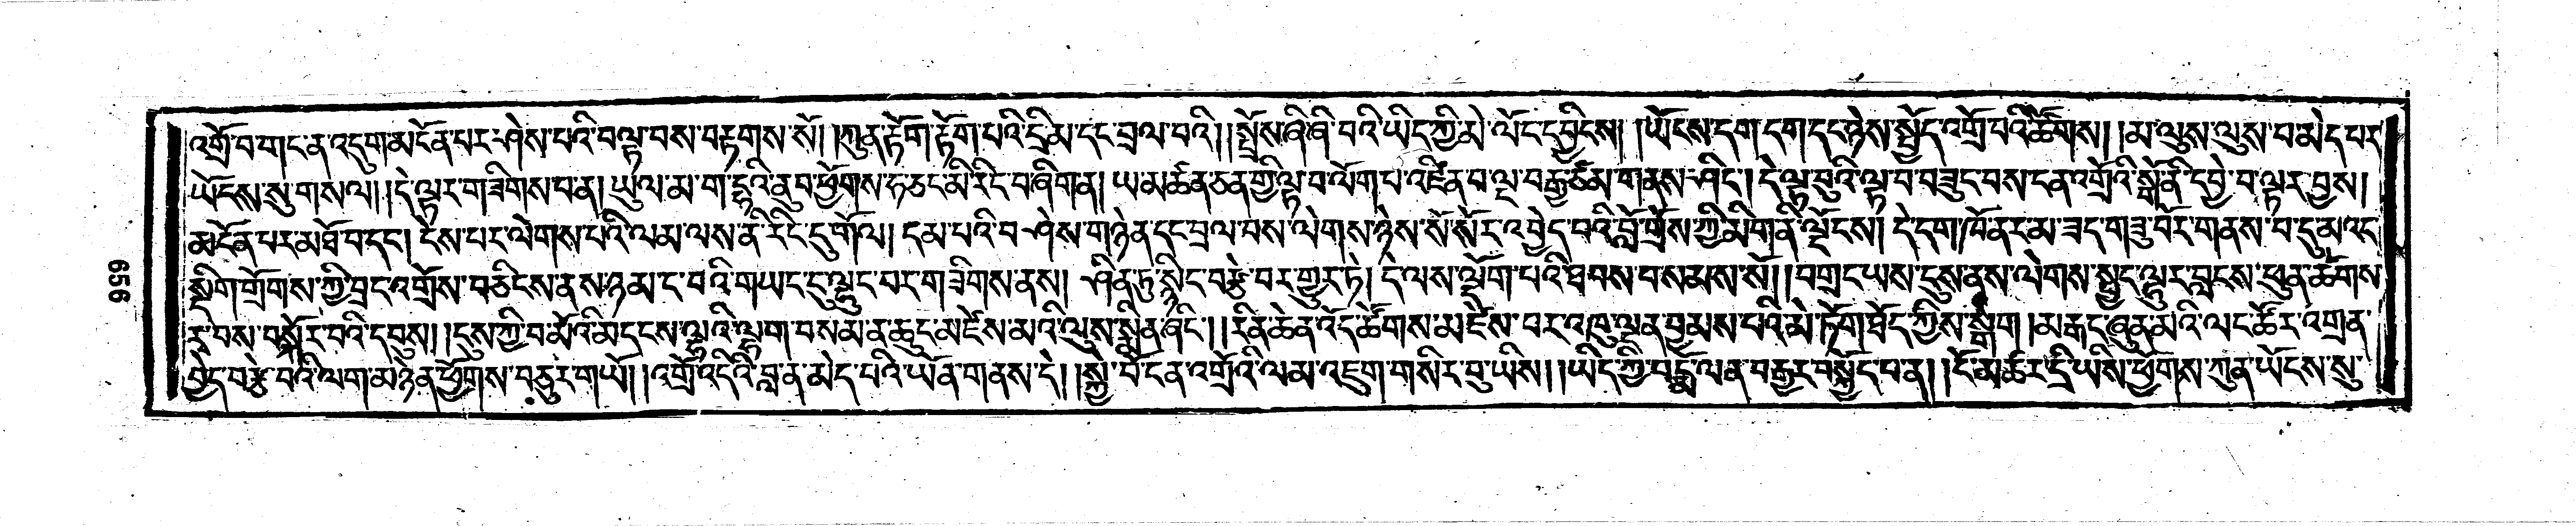འགྲོ་བ་གང་ན་འདུག་མངོན་པར་ཤེས་པའི་བལྟ་བས་བརྟགས་སོ། །ཀུན་རྟོག་རྟོག་པའི་དྲི་མ་དང་བྲལ་བའི། །སྤྲོས་ཞི་ཞི་བའི་ཡིད་ཀྱི་མེ་ལོང་དབྱིངས། །ཡོངས་དག་དག་དང་ཉེས་སྤྱོད་འགྲོ་བའི་ཚོགས། །མ་ལུས་ལུས་པ་མེད་པར་
ཡོངས་སུ་གསལ། །དེ་ལྟར་གཟིགས་པ་ན། ཡུལ་མ་ག་དྷའི་ནུབ་ཕྱོགས་ཧ་ཅང་མི་རིང་བ་ཞིག་ན། ཡ་མཚན་ཅན་གྱི་ལྟ་བ་ལོག་པ་འཛིན་པ་ལྔ་བརྒྱ་ཙམ་གནས་ཤིང་། དེ་ལྟ་བུའི་ལྟ་བ་བཟུང་བས་ངན་འགྲོའི་སྒོ་ནི་དབྱེ་བ་ལྟར་བྱས་
མངོན་པར་མཐོ་བ་དང་། ངེས་པར་ལེགས་པའི་ལམ་ལས་ནི་རིང་དུ་གོལ། དམ་པའི་བཤེས་གཉེན་དང་བྲལ་བས་ལེགས་ཉེས་སོ་སོར་འབྱེད་པའི་བློ་གྲོས་ཀྱི་མིག་ནི་ལྡོངས། དེ་དག་ཁོ་ནར་མ་ཟད་གཟུ་བོར་གནས་པ་དུ་མའང་
སྡིག་གྲོགས་ཀྱི་བྲང་འགྲོས་བཅིངས་ནས་ཉམ་ང་བའི་གཡང་དུ་ལྷུང་བར་གཟིགས་ནས། ཤིན་ཏུ་སྙིང་བརྩེ་བར་གྱུར་ཏེ། དེ་ལས་ལྡོག་པའི་ཐབས་བསམས་སོ། །བགྲང་ཡས་དུས་ནས་ལེགས་སྦྱང་ལྷུར་བླངས་ཕུན་ཚོགས་
རྭ་བས་བསྐོར་བའི་དབུས། །དུས་ཀྱི་བ་མོའི་མདངས་ལྷའི་ལྷག་བསམ་ན་ཆུང་མཛེས་མའི་ལུས་སྨིན་ཞིང་། །རིན་ཆེན་འོད་ཚོགས་མཛེས་པར་འཁུ་ལྡན་བྱམས་པའི་མེ་ཏོག་ཐོད་ཀྱིས་སྒེག །མརྒད་ཞུམ་མའི་ལང་ཚོར་འགྲན་
བྱེད་བརྩེ་བའི་ལག་མཉེན་ཕྱོགས་བཅུར་གཡོ། །འགྲོ་འདིའི་བླ་ན་མེད་པའི་ཡོན་གནས་དེ། །སྐྱེ་བོ་ངན་འགྲོའི་ལམ་འཇུག་གསིར་བུ་ཡིས། །ཡིད་ཀྱི་པདམོ་ལན་བརྒྱར་བསྐྱོད་པ་ནི། །ངོ་མཚར་དྲི་ཡིས་ཕྱོགས་ཀུན་ཡོངས་སུ་